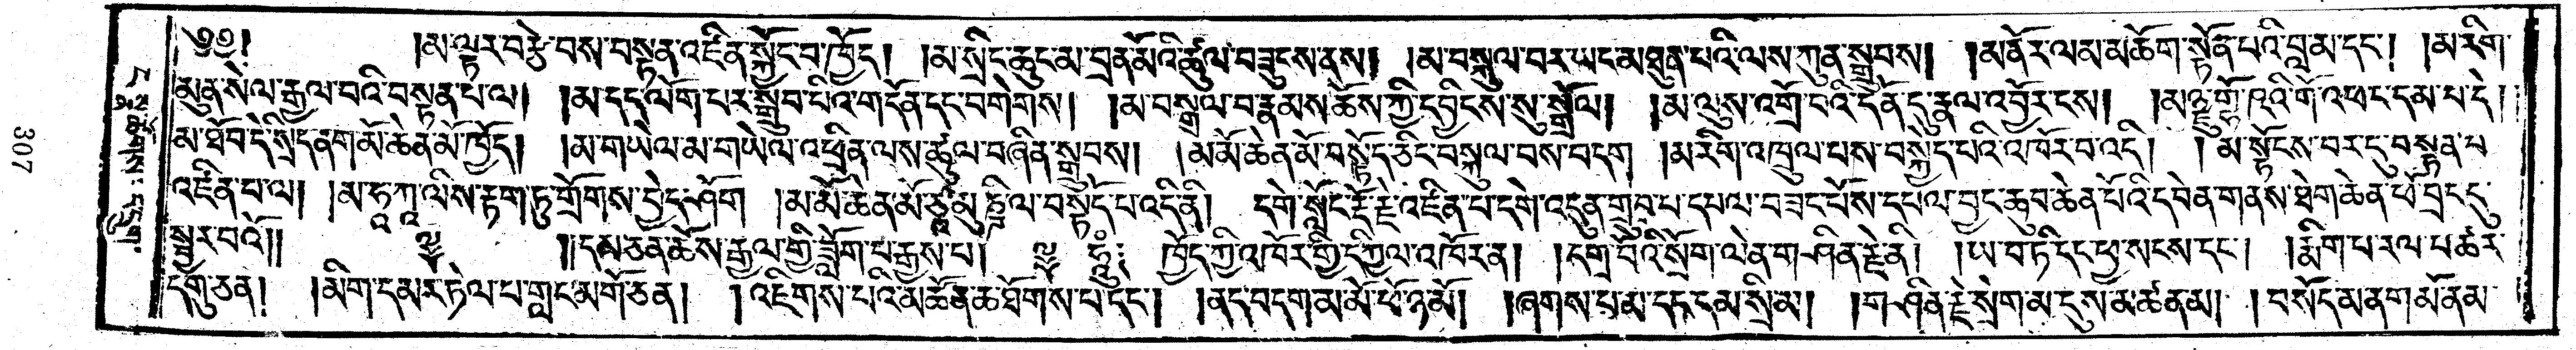༄༅། །མ་ལྟར་བརྩེ་བས་བསྟན་འཛིན་སྐྱོང་བ་ཁྱོད། །མ་སྲིང་ཆུང་མ་བྲན་མོའི་ཚུལ་བཟུངས་ནས། །མ་བསྐུལ་བར་ཡང་མཐུན་པའི་ལས་ཀུན་སྒྲུབས། །མནོར་ལམ་མཆོག་སྟོན་པའི་བླ་མ་དང་། །མ་རིག་
མུན་སེལ་རྒྱལ་བའི་བསྟན་པ་ལ། །མ་དད་ལོག་པར་སྒྲུབ་པའི་གདོན་དང་བགེགས། །མ་བསྒྲལ་བ་རྣམས་ཆོས་ཀྱི་དབྱིངས་སུ་སྒྲོལ། །མ་ལུས་འགྲོ་བའི་དུ་རྣལ་འབྱོར་ངས། །མཉྫུ་གྷོ་ཥའི་གོ་འཕང་དམ་པ་དེ། །
མ་ཐོབ་དེ་སྲིད་ནག་མོ་ཆེན་མོ་ཁྱོད། །མ་གཡེལ་མ་གཡེལ་འཕྲིན་ལས་ཚུལ་བཞིན་སྒྲུབས། །མ་མོ་ཆེན་མོ་བསྟོད་ཅིང་བསྐུལ་བས་བདག །མ་རིག་འཁྲུལ་པས་བསྐྱེད་པའི་འཁོར་བ་འདི། །མ་སྟོངས་བར་དུ་བསྟན་པ་
འཛིན་པ་ལ། །མ་ཧཱ་ཀཱ་ལིས་རྟག་ཏུ་གྲོགས་བྱེད་ཤོག །མ་མོ་ཆེན་མོ་ཙཱ་མུཎྜི་ལ་བསྟོད་པ་འདི་ནི། དགེ་སློང་རྡོ་རྗེ་འཛིན་པ་དགེ་འདུན་གྲུབ་པ་དཔལ་བཟང་པོས་དཔལ་བྱང་ཆུབ་ཆེན་པོའི་དབེན་གནས་ཐེག་ཆེན་ཕོ་བྲང་དུ་
སྦྱར་བའོ།། ༈ །།དམ་ཅན་ཆོས་རྒྱལ་གྱི་ཟློག་པ་རྒྱས་པ། ༈ ཧཱུཾ༑ ཁྱོད་ཀྱི་འཁོར་གྱི་དཀྱིལ་འཁོར་ན། །དགྲ་བོའི་སྲོག་ལེན་གཤིན་རྗེ་ནི། །ཡ་བ་ཏི་དང་ཕྱ་སངས་དང་། །རྨིག་པ་རལ་པ་ཚར་
དགུ་ཅན། །མིག་དམར་ཏེལ་པ་གླང་མགོ་ཅན། །འཇིགས་པའི་མཚོན་ཆ་ཐོགས་པ་དང་། །ནད་བདག་མ་མོ་ཕོ་ཉ་མོ། །ཞགས་པ་མ་དང་དམ་སྲི་མ། །གཤིན་རྗེ་སྲེག་མ་དུས་མཚན་མ། །བསོད་མ་ནག་མོ་ནམ་